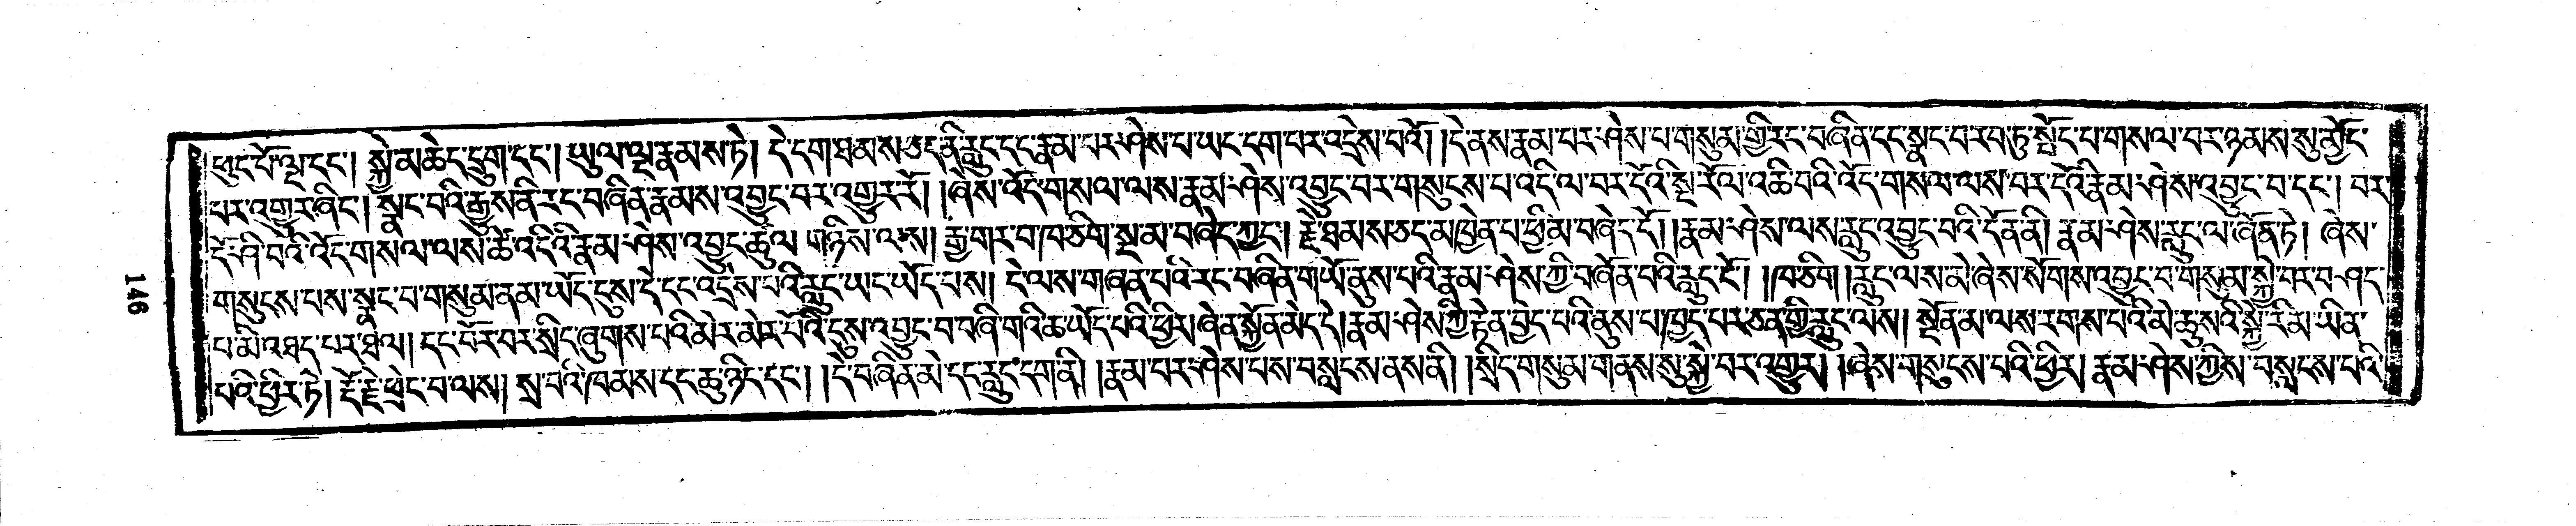ཕུང་པོ་ལྔ་དང་། སྐྱེ་མཆེད་དྲུག་དང་། ཡུལ་ལྔ་རྣམས་ཏེ། དེ་དག་ཐམས་ཅད་ནི་རླུང་དང་རྣམ་པར་ཤེས་པ་ཡང་དག་པར་འདྲེས་པའོ། །དེ་ནས་རྣམ་པར་ཤེས་པ་གསུམ་གྱི་རང་བཞིན་དང་སྣང་བ་རབ་ཏུ་སྦྱོང་པ་གསལ་བར་ཉམས་སུ་མྱོང་
པར་འགྱུར་ཞིང་། སྣང་བའི་རྒྱུས་ནི་རང་བཞིན་རྣམས་འབྱུང་བར་འགྱུར་རོ། །ཞེས་འོད་གསལ་ལས་རྣམ་ཤེས་འབྱུང་བར་གསུངས་པ་འདི་ལ་བར་དོའི་སྔ་རོལ་འཆི་བའི་འོད་གསལ་ལས་བར་དོའི་རྣམ་ཤེས་འབྱུང་བ་དང་། བར་
དོ་ཤི་བའི་འོད་གསལ་ལས་ཚེ་འདིའི་རྣམ་ཤེས་འབྱུང་ཚུལ་གཉིས་ལས། རྒྱ་གར་བ་ཁ་ཅིག་སྔ་མ་བཞེད་ཀྱང་། རྗེ་ཐམས་ཅད་མཁྱེན་པ་ཕྱི་མ་བཞེད་དོ། །རྣམ་ཤེས་ལས་རླུང་འབྱུང་བའི་དོན་ནི། རྣམ་ཤེས་རླུང་ལ་ཞོན་ཏེ། ཞེས་
གསུངས་པས་སྣང་བ་གསུམ་ནམ་ཡོད་དུས་དེ་དང་འདྲེས་པའི་རླུང་ཡང་ཡོད་པས། དེ་ལས་གཞན་པའི་རང་བཞིན་གཡོ་ནུས་པའི་རྣམ་ཤེས་ཀྱི་བཞོན་པའི་རླུང་ངོ། །ཁ་ཅིག །རླུང་ལས་མེ་ཞེས་སོགས་འབྱུང་བ་གསུམ་སྐྱེ་བར་བཤད་
པ་མི་འཐད་པར་ཐལ། དང་པོར་བར་སྲིད་ཞུགས་པའི་མེར་མེར་པོའི་དུས་འབྱུང་བ་བཞི་གའི་ཆ་ཡོད་པའི་ཕྱིར། ཞེ་ན་སྐྱོན་མེད་དེ། རྣམ་ཤེས་ཀྱི་རྟེན་བྱེད་པའི་ནུས་པ་ཁྱད་པར་ཅན་གྱི་རླུང་ལས། སྔོན་མ་ལས་རགས་པའི་མེ་ཆུ་སའི་སྐྱེ་རིམ་ཡིན་
པའི་ཕྱིར་ཏེ། རྡོ་རྗེ་ཕྲེང་བ་ལས། སྲ་བའི་ཁམས་དང་ཆུ་ཉིད་རང་། །དེ་བཞིན་མེད་དང་རླུང་དག་ནི། །རྣམ་པར་ཤེས་པས་བསླངས་ནས་ནི། །སྲིད་གསུམ་གནས་སུ་སྐྱེ་བར་འགྱུར། །ཞེས་གསུངས་པའི་ཕྱིར། རྣམ་ཤེས་ཀྱིས་བསླངས་པའི་